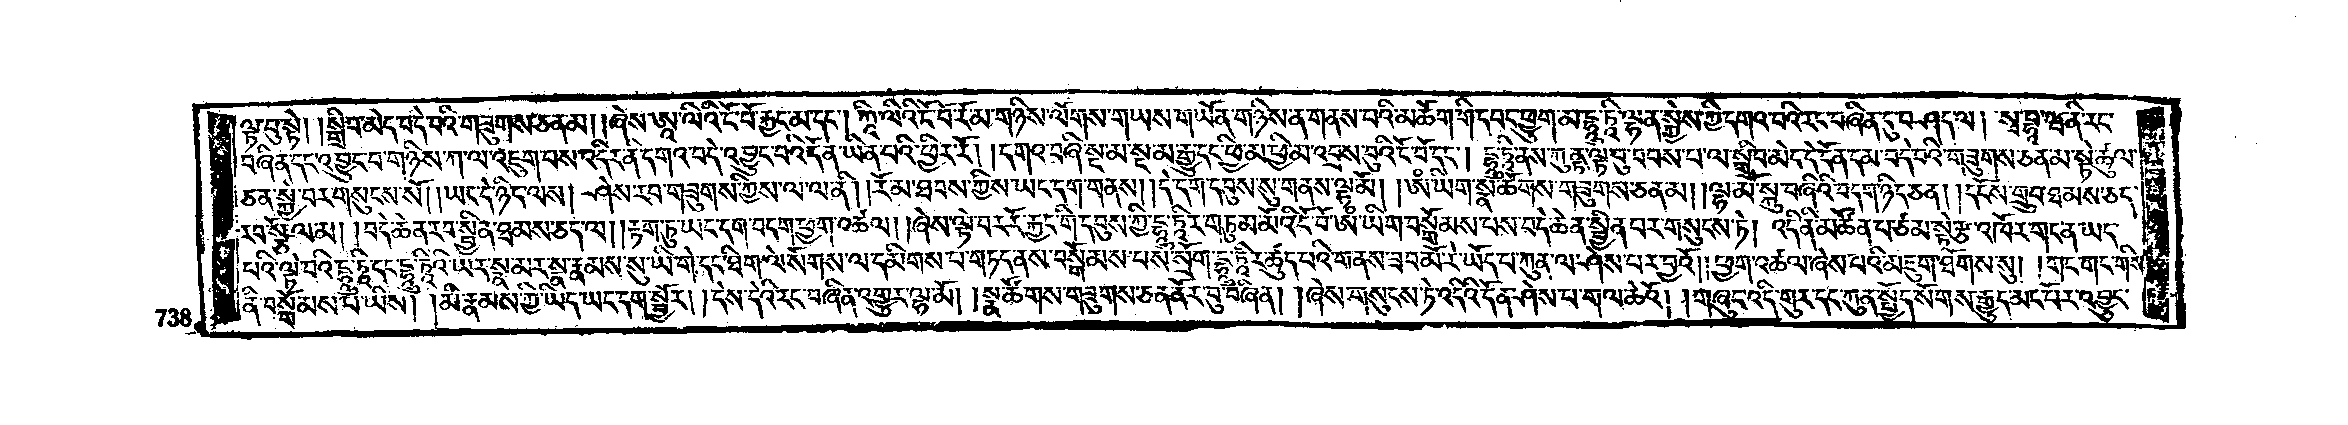ལྟ་བུ་སྟེ། །སྒྲིབ་མེད་བདེ་བའི་གཟུགས་ཅན་མ། །ཞེས་ཨཱ་ལིའི་ངོ་བོ་རྐྱང་མ་དང་། ཀཱི་ལིའི་ངོ་བོ་རོ་མ་གཉིས་ལོགས་གཡས་གཡོན་གཉིས་ན་གནས་པའི་མཆོག་གི་དབང་ཕྱུག་མ་དྷཱུ་ཏཱི་ལྷན་སྐྱེས་ཀྱི་དགའ་བའི་རང་བཞིན་དུ་བཤད་ལ། སྭ་བྷཱ་ཝ་ནི་རང་
བཞིན་དང་འབྱུང་བ་གཉིས་ཀ་ལ་འཇུག་པས་འདིར་ནི་དགའ་བདེ་འབྱུང་བའི་དོན་ཡིན་པའི་ཕྱིར་རོ། །དགའ་བཞི་སྔ་མ་སྔ་མ་རྒྱུ་དང་ཕྱི་མ་ཕྱི་མ་འབྲས་བུའི་ངོ་བོ་དང་། དྷཱུ་ཏཱི་ནས་ཀུནྟ་ལྟ་བུ་བབས་པ་ལ་སྒྲིབ་མེད་དེ་དོན་དམ་བདེ་བའི་གཟུགས་ཅན་མ་སྟེ་ཚུལ་
ཅན་སྐྱེ་བར་གསུངས་སོ། །ཡང་དེ་ཉིད་ལས། ཤེས་རབ་གཟུགས་ཀྱིས་ལ་ལ་ནི། །རོ་མ་ཐབས་ཀྱིས་ཡང་དག་གནས། །དེ་དག་དབུས་སུ་གནས་ལྷ་མོ། །ཨཾ་ཡིག་སྣ་ཚོགས་གཟུགས་ཅན་མ། །ལྷ་མོ་སྐུ་བཞིའི་བདག་ཉིད་ཅན། །དངོས་གྲུབ་ཐམས་ཅད་
རབ་སྩོལ་མ། །བདེ་ཆེན་རབ་སྦྱིན་ཐམས་ཅད་ལ། །རྟག་ཏུ་ཡང་དག་བདག་ཕྱག་འཚལ། །ཞེས་ལྟེ་བར་རོ་རྐྱང་གི་དབུས་ཀྱི་དྷཱུ་ཏཱིར་གཏུམ་མོའི་ངོ་བོ་ཨཾ་ཡིག་བསྒོམས་པས་བདེ་ཆེན་སྦྱིན་པར་གསུངས་ཏེ། འདི་ནི་མཚོན་པ་ཙམ་སྟེ་རྩ་འཁོར་གང་ན་ཡོད་
པའི་ལྟེ་བའི་དྷཱུ་ཏཱི་དང་དྷཱུ་ཏཱིའི་ཡར་སྣ་མར་སྣ་རྣམས་སུ་ཡི་གེ་དང་ཐིག་ལེ་སོགས་ལ་དམིགས་པ་གཏད་ནས་བསྒོམས་པས་སྲོག་དྷཱུ་ཏཱིར་ཚུད་པའི་གནས་ཟབ་མོ་རེ་ཡོད་པ་ཀུན་ལ་ཤེས་པར་བྱའོ། །ཕྱག་འཚལ་ཞེས་པའི་མཇུག་ཐོགས་སུ། །གང་གང་གིས་
ནི་བསྒོམས་པ་ཡིས། །མི་རྣམས་ཀྱི་ཡིད་ཡང་དག་སྦྱོར། །དེས་དེའི་རང་བཞིན་འགྱུར་ལྷ་མོ། །སྣ་ཚོགས་གཟུགས་ཅན་ནོར་བུ་བཞིན། །ཞེས་གསུངས་ཏེ་འདིའི་དོན་ཤེས་པ་གལ་ཆེའོ། །གཞུང་འདི་གུར་དང་ཀུན་སྤྱོད་སོགས་རྒྱུད་མང་པོར་འབྱུང་